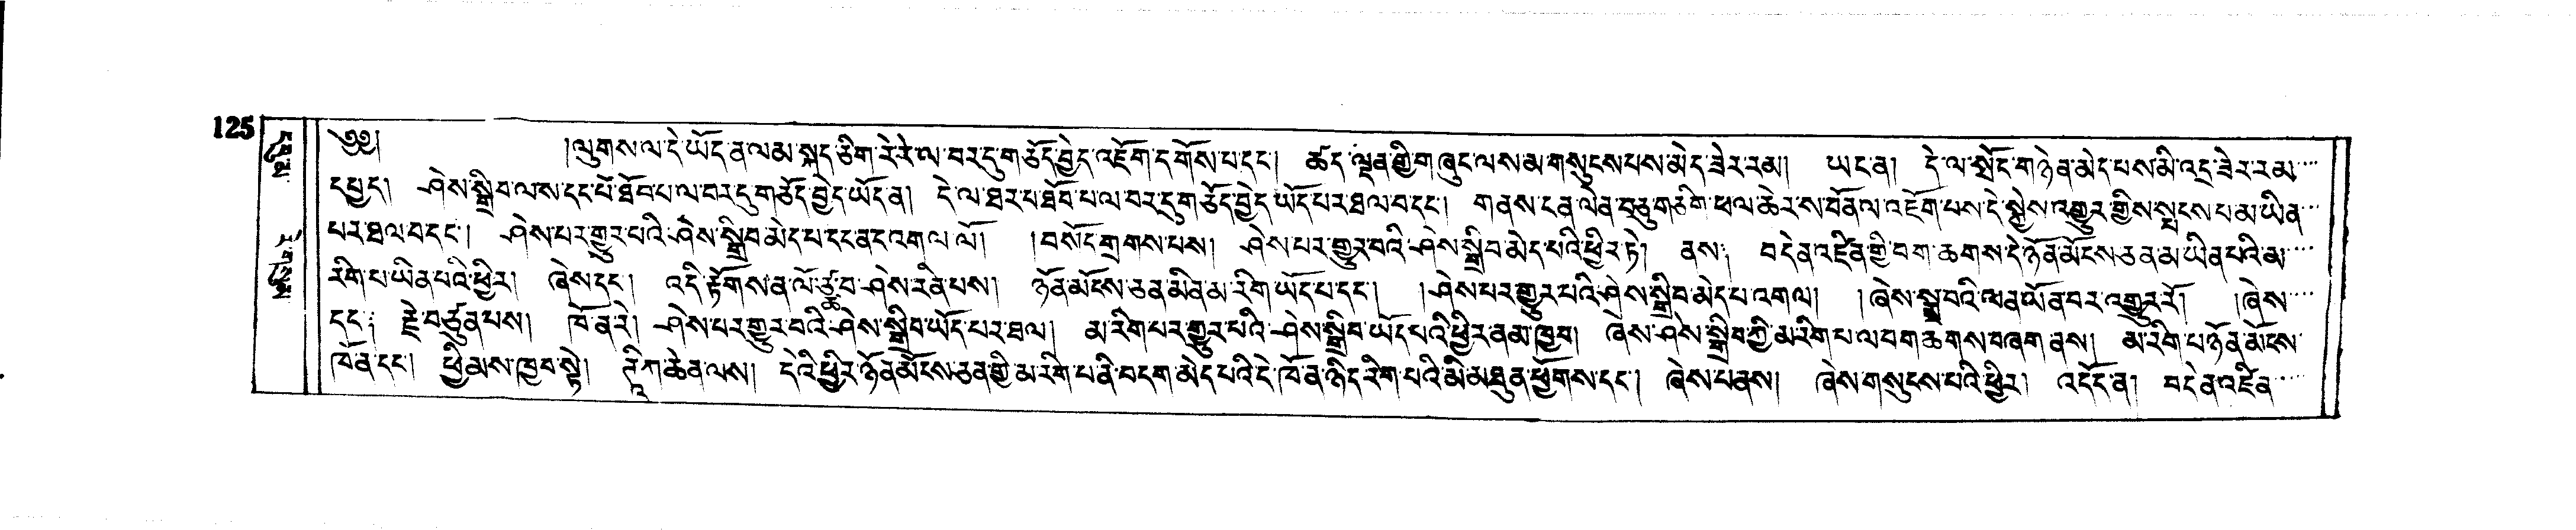༄༅། །ལུགས་ལ་དེ་ཡོད་ན་ལམ་སྐད་ཅིག་རེ་རེ་ལ་བར་དུ་གཅོད་བྱེད་འཇོག་དགོས་པ་དང་། ཚད་ལྡན་གྱི་གཞུང་ལས་མ་གསུངས་པས་མེད་ཟེར་རམ། ཡང་ན། དེ་ལ་སྤོང་གཉེན་མེད་པས་མི་འདྲ་ཟེར་རམ་
དཔྱད། ཤེས་སྒྲིབ་ལས་དང་པོ་ཐོབ་པ་ལ་བར་དུ་གཅོད་བྱེད་ཡོད་ན། དེ་ལ་ཐར་པ་ཐོབ་པ་ལ་བར་དུ་གཅོད་བྱེད་ཡོད་པར་ཐལ་བ་དང་། གནས་ངན་ལེན་བཅུ་གཅིག་ཕལ་ཆེར་ས་བོན་ལ་འཇོག་པས་དེ་སྐྱེས་འགྱུར་གྱིས་སྤངས་པ་མ་ཡིན་
པར་ཐལ་བ་དང་། ཤེས་པར་གྱུར་པའི་ཤེས་སྒྲིབ་མེད་པ་དང་ནང་འགལ་ལོ། །བསོད་གྲགས་པས། ཤེས་པར་གྱུར་བའི་ཤེས་སྒྲིབ་མེད་པའི་ཕྱིར་ཏེ། ནས། བདེན་འཛིན་གྱི་བག་ཆགས་དེ་ཉོན་མོངས་ཅན་མ་ཡིན་པའི་མ་
རིག་པ་ཡིན་པའི་ཕྱིར། ཞེས་དང་། འདི་རྟོགས་ན་ལོ་ཙྪ་བ་ཤེས་རིན་པས། ཉོན་མོངས་ཅན་མིན་མ་རིག་ཡོད་པ་དང་། །ཤེས་པར་གྱུར་པའི་ཤེས་སྒྲིབ་མེད་པ་འགལ། །ཞེས་སྨྲ་བའི་ལན་ལོན་བར་འགྱུར་རོ། །ཞེས་
དང་། རྗེ་བཙུན་པས། ཁོ་ན་རེ། ཤེས་པར་གྱུར་བའི་ཤེས་སྒྲིབ་ཡོད་པར་ཐལ། མ་རིག་པར་གྱུར་པའི་ཤེས་སྒྲིབ་ཡོད་པའི་ཕྱིར་ན་མ་ཁྱབ། ཞེས་ཤེས་སྒྲིབ་ཀྱི་མ་རིག་པ་ལ་བག་ཆགས་བཞག་ནས། མ་རིག་པ་ཉོན་མོངས་
ཁོ་ན་དང་། ཕྱི་མས་ཁྱབ་སྟེ། ཊཱིཀ་ཆེན་ལས། དེའི་ཕྱིར་ཉོན་མོངས་ཅན་གྱི་མ་རིག་པ་ནི་བདག་མེད་པའི་དེ་ཁོ་ན་ཉིད་རིག་པའི་མི་མཐུན་ཕྱོགས་དང་། ཞེས་པ་ནས། ཞེས་གསུངས་པའི་ཕྱིར། འདོད་ན། བདེན་འཛིན་